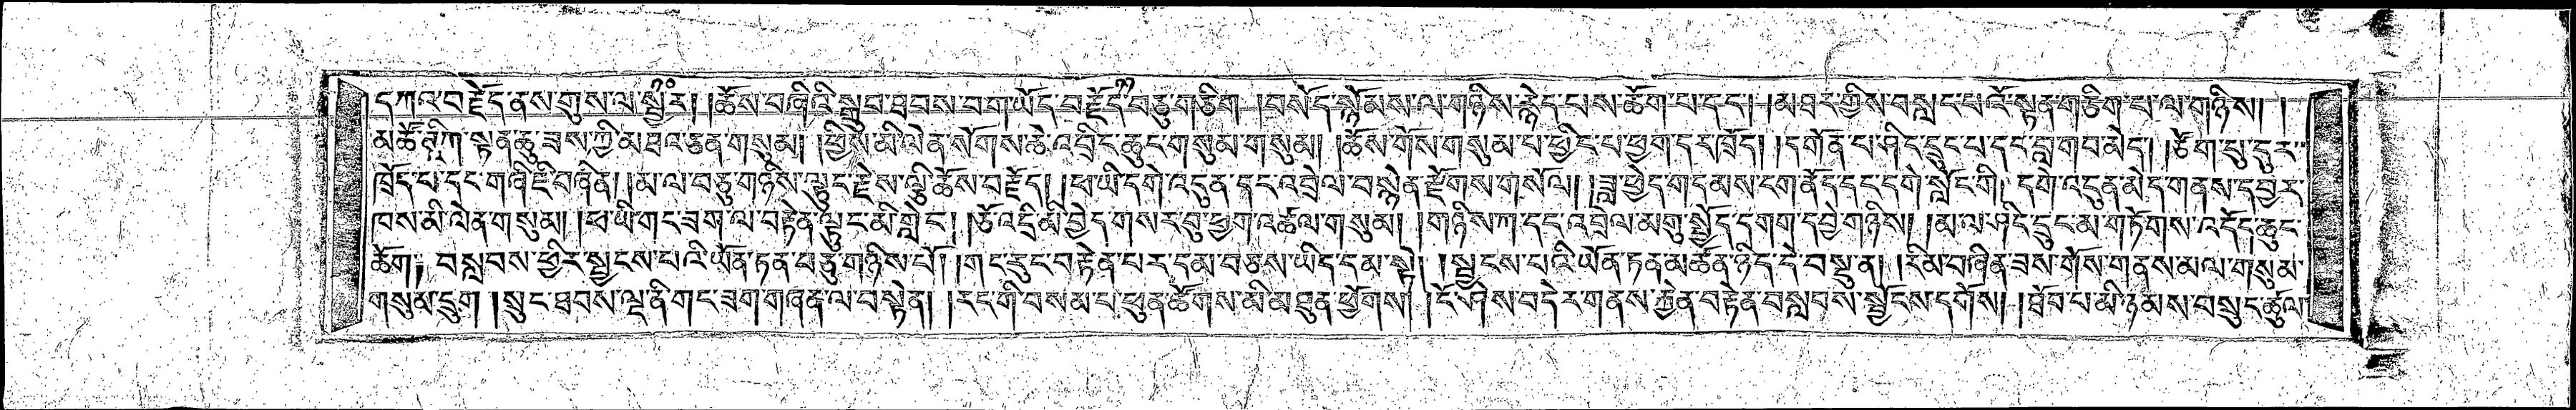དཀའ་བརྗོད་ནས་གུས་ལ་སྦྱར། །ཆོས་བཞིའི་སྒྲུབ་ཐབས་བག་ཡོད་བརྗོད་བཅུ་གཅིག །བསོད་སྙོམས་ལ་གཉིས་རྙེད་པས་ཆོག་པ་དང་། །མཐར་གྱིས་བསླང་པའོ་སྟན་གཅིག་པ་ལ་གཉིས། །
མཚོ་ཊཱིཀ་སྟན་ཆུ་ཟས་ཀྱི་མཐའ་ཅན་གསུམ། །ཕྱིས་མི་ལེན་སོགས་ཆེ་འབྲིང་ཆུང་གསུམ་གསུམ། །ཆོས་གོས་གསུམ་པ་ཕྱིང་པ་ཕྱག་དར་ཁྲོད། །དགོན་པ་ཤིང་དྲུང་པ་དང་བླ་གབ་མེད། །ཙོག་པུ་དུར་
ཁྲོད་པ་དང་གཞི་ཇི་བཞིན། །མ་ལ་བཅུ་གཉིས་ལྟུང་རྗེས་ལྕི་ཆོས་བརྗོད། །ཕ་ཡི་དགེ་འདུན་དང་འབྲེལ་བསྙེན་རྫོགས་གསོལ། །ཟླ་ཕྱེད་གདམས་ངག་ནོད་དང་དགེ་སློང་གི །དགེ་འདུན་མེད་གནས་དབྱར་
ཁས་མི་ལེན་གསུམ། །ཕ་ཡི་གང་ཟག་ལ་བརྟེན་ལྟུང་མི་གླེང་། །ཅོ་འདྲི་མི་བྱེད་གསར་བུ་ཕྱག་འཚལ་གསུམ། །གཉིས་ཀ་དང་འབྲེལ་མགུ་སྤྱོད་དགག་དབྱེ་གཉིས། །མ་ལ་ཤིང་དྲུང་མ་གཏོགས་འདོད་ཆུང་
ཆོག༑ བསླབས་ཕྱིར་སྤྱངས་པའི་ཡོན་ཏན་བཅུ་གཉིས་པོ། །གང་རུང་བརྟེན་པར་དམ་བཅས་ཡིད་དམ་སྟེ། །སྦྱངས་པའི་ཡོན་ཏན་མཚན་ཉིད་དེ་བསྡུ་ན། །རིམ་བཞིན་ཟས་གོས་གནས་མལ་གསུམ་
གསུམ་དྲུག །སྲུང་ཐབས་ལྔ་ནི་གང་ཟག་གཞན་ལ་བསྟེན། །རང་གི་བསམ་པ་ཕུན་ཚོགས་མི་མཐུན་ཕྱོགས། །ངོ་ཤེས་བདེར་གནས་རྐྱེན་བརྟེན་བསླབས་སྦྱོངས་དགོས། །ཐོབ་པ་མི་ཉམས་བསྲུང་ཚུལ་